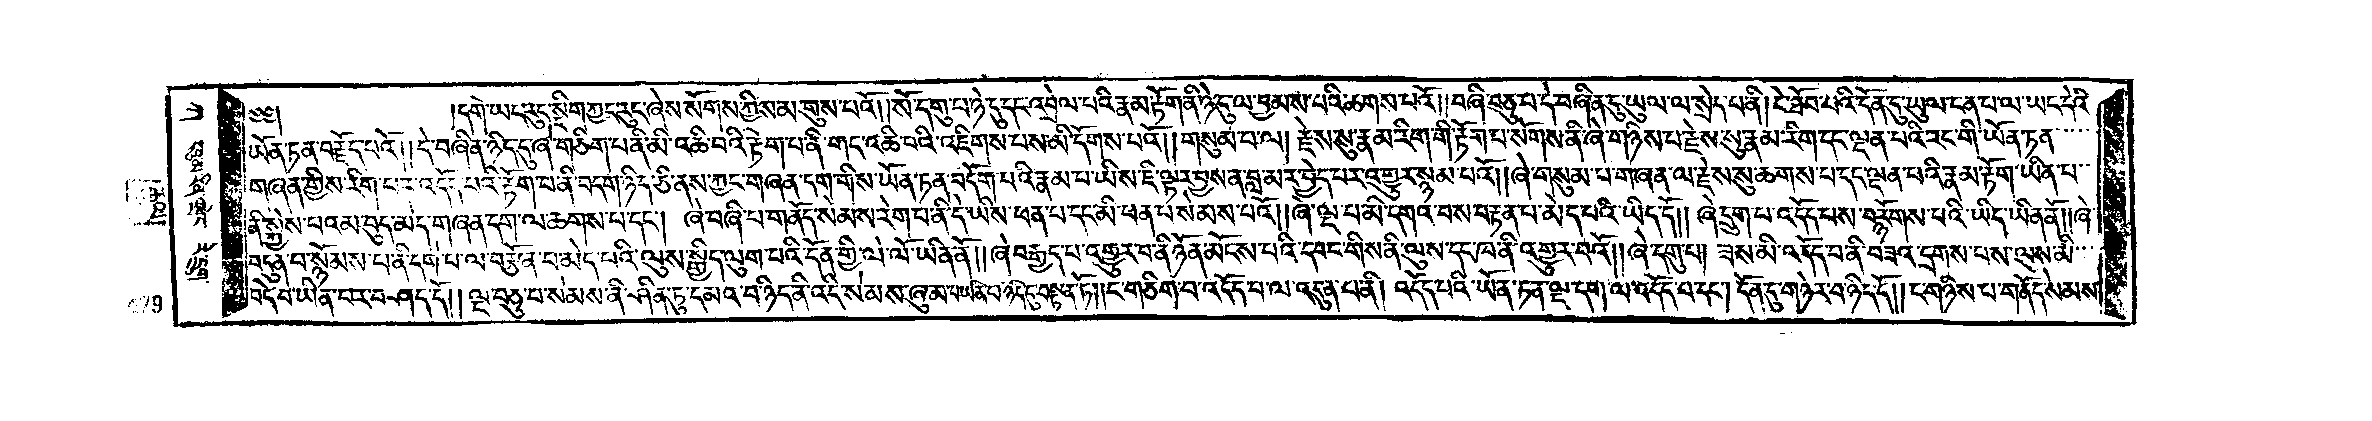༄༅། །དགེ་ཡང་རུང་སྡིག་ཀྱང་རུང་ཞེས་སོགས་ཀྱིས་མ་གུས་པའོ། །སོ་དགུ་པ་ཉེ་དུ་དང་འབྲེལ་པའི་རྣམ་རྟོག་ནི་ཉེ་དུ་ལ་བྱམས་པའི་ཆགས་པའོ། །བཞི་བཅུ་པ་དེ་བཞིན་དུ་ཡུལ་ལ་སྲིད་པ་ནི། ངེ་ཐོབ་པའི་དོན་དུ་ཡུལ་ངན་པ་ལ་ཡང་དེའི་
ཡོན་ཏན་བརྗོད་པའོ། །དེ་བཞིན་ཉིད་དུ་ཞེ་གཅིག་པ་ནི་མི་འཆི་བའི་རྟོག་པ་ནི་གང་འཆི་བའི་འཇིགས་པས་མི་དོགས་པའོ། །གསུམ་པ་ལ། རྗེས་སུ་རྣམ་རིག་གི་རྟོག་པ་སོགས་ནི་ཞེ་གཉིས་པ་རྗེས་སུ་རྣམ་རིག་དང་ལྡན་པའི་རང་གི་ཡོན་ཏན་
གཞན་གྱིས་རིག་པར་འདོད་པའི་རྟོག་པ་ནི་བདག་ཉིད་ཅི་ནས་ཀྱང་གཞན་དག་གིས་ཡོན་ཏན་བདོག་པའི་རྣམ་པ་ཡིས་ཇི་ལྟར་བྱས་ན་བླ་མར་བྱེད་པར་འགྱུར་སྙམ་པའོ། །ཞེ་གསུམ་པ་གཞན་ལ་རྗེས་སུ་ཆགས་པ་དང་ལྡན་པའི་རྣམ་རྟོག་ཡིན་པ་
ནི་སྐྱེས་པའམ་བུད་མེད་གཞན་དག་ལ་ཆགས་པ་དང་། ཞེ་བཞི་པ་གནོད་སེམས་རེག་པ་ནི་དེ་ཡིས་ཕན་པ་དང་མི་ཕན་པ་སེམས་པའོ། །ཞེ་ལྔ་པ་མི་དགའ་བས་བརྟན་པ་མེད་པའི་ཡིད་དོ། །ཞེས་དྲུག་པ་འདོད་པས་བརྙོགས་པའི་ཡིད་ཡིན་ནོ། །ཞེ་
བདུན་པ་སྙོམས་པ་ནི་དགེ་བ་ལ་བརྩོན་པ་མེད་པའི་ལུས་སྒྱིད་ལུག་པའི་དོན་གྱི་ལེ་ལོ་ཡིན་ནོ། །ཞེ་བརྒྱད་པ་འགྱུར་བ་ནི་ཉོན་མོངས་པའི་དབང་གིས་ནི་ལུས་དང་ཁ་ནི་འགྱུར་བའོ། །ཞེ་དགུ་པ། ཟས་མི་འདོད་པ་ནི་བཟའ་དྲགས་པས་ལུས་མི་
བདེ་བ་ཡིན་པར་བཤད་དོ། །ལྔ་བཅུ་པ་སེམས་ནི་ཤིན་ཏུ་དམའ་བ་ཉིད་ནི་འདི་སེམས་ཞུམ་པ་ཡིན་པ་ཉིད་དུ་བསྟན་ཏོ། །ང་གཅིག་པ་འདོད་པ་ལ་འདུན་པ་ནི། འདོད་པའི་ཡོན་ཏན་ལྔ་དག་ལ་འདོད་པ་དང་། དོན་དུ་གཉེར་བ་ཉིད་དོ། །ང་གཉིས་པ་གནོད་སེམས་